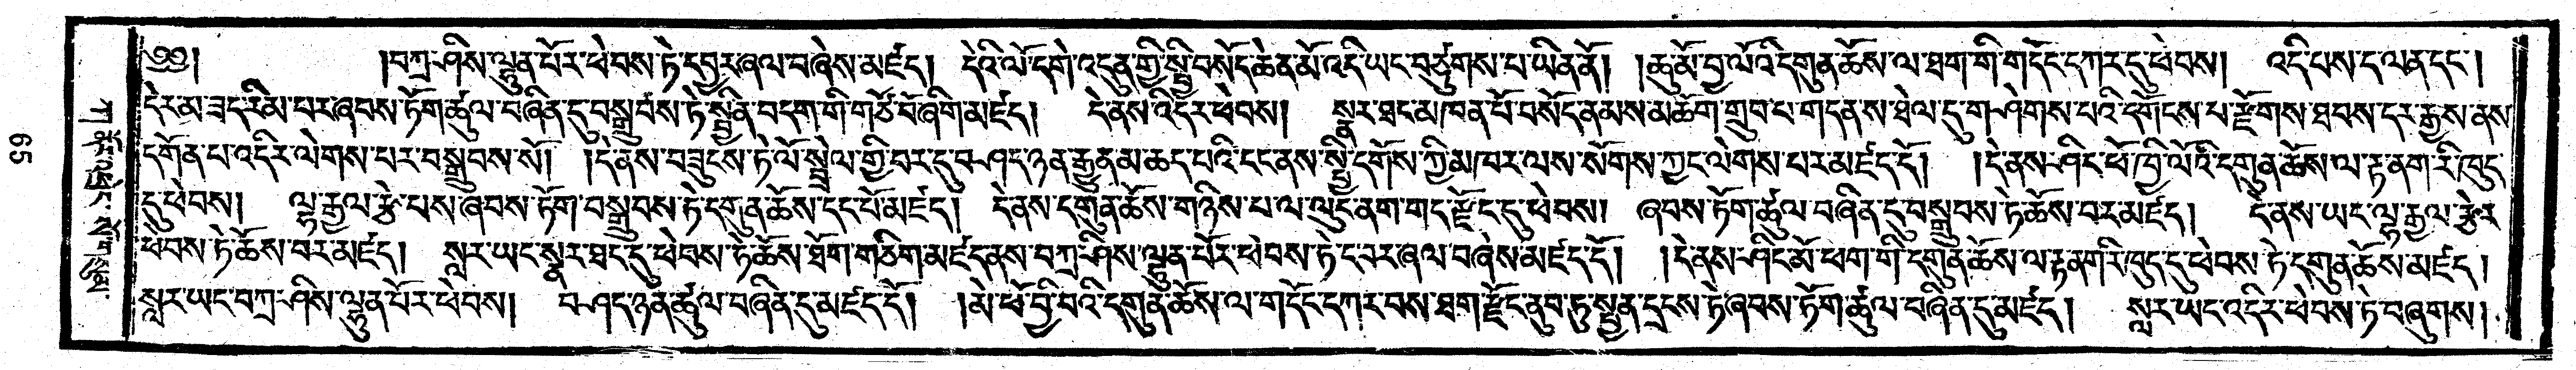༄༅། །བཀྲ་ཤིས་ལྷུན་པོར་ཕེབས་ཏེ་དབྱར་ཞལ་བཞེས་མཛད། དེའི་ལོ་དགེ་འདུན་གྱི་སྤྱི་བསོད་ཆེན་མོ་འདི་ཡང་བཙུགས་པ་ཡིན་ནོ། །ཆུ་མོ་བྱ་ལོའི་དགུན་ཆོས་ལ་ཐག་གི་གདོང་དཀར་དུ་ཕེབས། འདི་པས་ད་ལན་དང་།
དེར་མ་ཟད་རིམ་པར་ཞབས་ཏོག་ཚུལ་བཞིན་དུ་བསྒྲུབས་ཏེ་སྦྱིན་བདག་གི་གཙོ་བོ་ཞིག་མཛད། དེ་ནས་འདིར་ཕེབས། སྣར་ཐང་མཁན་པོ་བསོད་ནམས་མཆོག་གྲུབ་པ་གདན་ས་ཐེལ་དུ་གཤེགས་པའི་དགོངས་པ་རྫོགས་ཐབས་དར་རྒྱས་ནས་
དགོན་པ་འདིར་ལེགས་པར་བསྒྲུབས་སོ། །དེ་ནས་བཟུངས་ཏེ་ལོ་སྤྲེལ་གྱི་བར་དུ་བཤད་ཉན་རྒྱུན་མ་ཆད་པའི་ངང་ནས་སྤྱི་དགོས་ཀྱི་མཁར་ལས་སོགས་ཀྱང་ལེགས་པར་མཛད་དོ། །དེ་ནས་ཤིང་ཕོ་ཁྱི་ལོའི་དགུན་ཆོས་ལ་རྟ་ནག་རི་ཁུད་
དུ་ཕེབས། ལྷ་རྒྱལ་རྩེ་པས་ཞབས་ཏོག་བསྒྲུབས་ཏེ་དགུན་ཆོས་དང་པོ་མཛད། དེ་ནས་དགུན་ཆོས་གཉིས་པ་ལ་ལུང་ནག་གད་རྫོང་དུ་ཕེབས། ཞབས་ཏོག་ཚུལ་བཞིན་དུ་བསྒྲུབས་ཏེ་ཆོས་བར་མཛད། དེ་ནས་ཡང་ལྷ་རྒྱལ་རྩེར་
ཕེབས་ཏེ་ཆོས་བར་མཛད། སླར་ཡང་སྣར་ཐང་དུ་ཕེབས་ཏེ་ཆོས་ཐོག་གཅིག་མཛད་ནས་བཀྲ་ཤིས་ལྷུན་པོར་ཕེབས་ཏེ་ང་བར་ཞལ་བཞེས་མཛད་དོ། །དེ་ནས་ཤིང་མོ་ཕག་གི་དགུན་ཆོས་ལ་རྟ་ནག་རི་ཁུད་དུ་ཕེབས་ཏེ་དགུན་ཆོས་མཛད།
སླར་ཡང་བཀྲ་ཤིས་ལྷུན་པོར་ཕེབས། བཤད་ཉན་ཚུལ་བཞིན་དུ་མཛད་དོ། །མེ་ཕོ་བྱི་བའི་དགུན་ཆོས་ལ་གདོང་དཀར་བས་ཐག་རྫོང་ནུབ་ཏུ་སྤྱན་དྲངས་ཏེ་ཞབས་ཏོག་ཚུལ་བཞིན་དུ་མཛད། སླར་ཡང་འདིར་ཕེབས་ཏེ་བཞུགས།